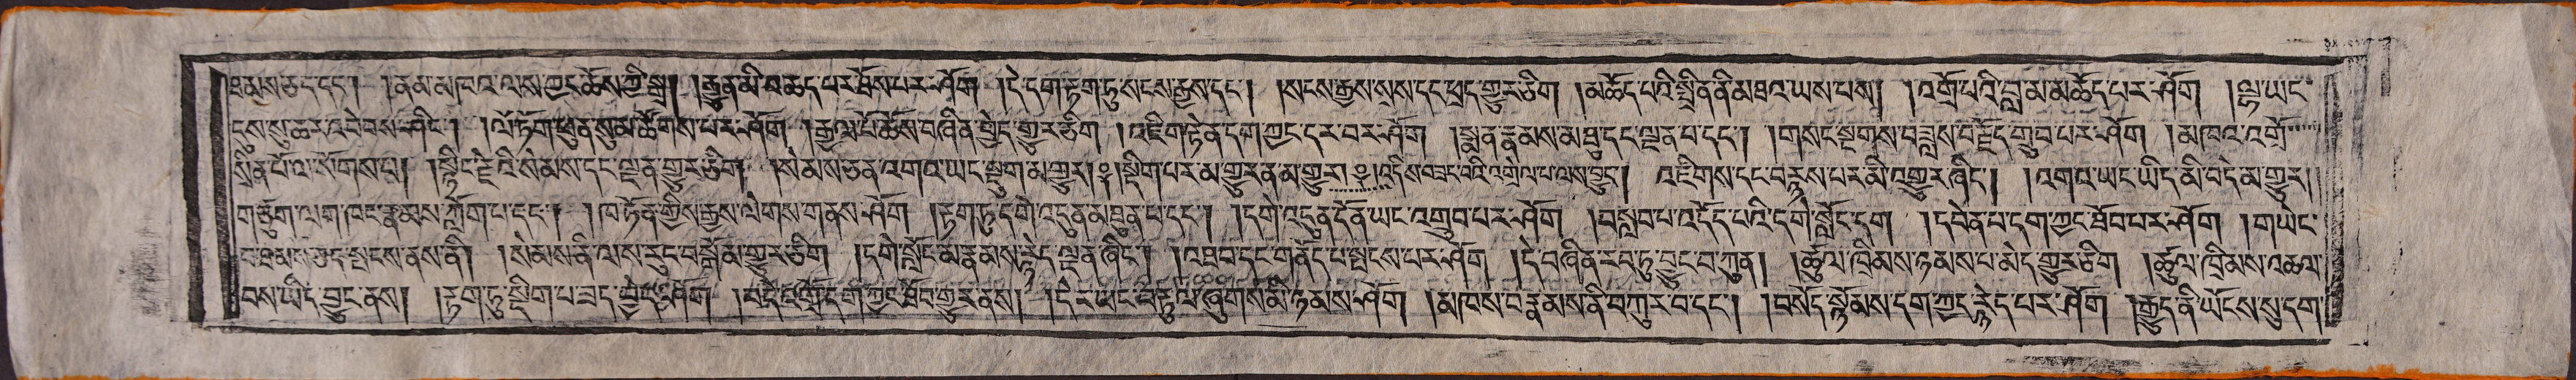ཐམས་ཅད་དང་། །ནམ་མཁའ་ལས་ཀྱང་ཆོས་ཀྱི་སྒྲ། །རྒྱུན་མི་འཆད་པར་ཐོས་པར་ཤོག །དེ་དག་རྟག་ཏུ་སངས་རྒྱས་དང་། །སངས་རྒྱས་སྲས་དང་ཕྲད་གྱུར་ཅིག །མཆོད་པའི་སྤྲིན་ནི་མཐའ་ཡས་པས། །འགྲོ་བའི་བླ་མ་མཆོད་པར་ཤོག །ལྷ་ཡང་
དུས་སུ་ཆར་འབེབས་ཤིང་། །ལོ་ཏོག་ཕུན་སུམ་ཚོགས་པར་ཤོག །རྒྱལ་པོ་ཆོས་བཞིན་བྱེད་གྱུར་ཅིག །འཇིག་རྟེན་དག་ཀྱང་དར་བར་ཤོག །སྨན་རྣམས་མཐུ་དང་ལྡན་པ་དང་། །གསང་སྔགས་བཟླས་བརྗོད་གྲུབ་པར་ཤོག །མཁའ་འགྲོ་
སྲིན་པོ་ལ་སོགས་པ། །སྙིང་རྗེའི་སེམས་དང་ལྡན་གྱུར་ཅིག །སེམས་ཅན་འགའ་ཡང་སྡུག་མ་གྱུར། ༈ །སྡིག་པར་མ་གྱུར་ནམ་གྱུར། འདིས་བཟང་བའི་འགྲེལ་པ་ལས་བྱུང་།  འཇིག་དང་བརྙས་པར་མི་འགྱུར་ཞིང་། །འགའ་ཡང་ཡིད་མི་བདེ་མ་གྱུར།།
གཙུག་ལག་ཁང་རྣམས་ཀློག་པ་དང་། །ཁ་ཏོན་གྱིས་རྒྱས་ལེགས་གནས་ཤོག །རྟག་ཏུ་དགེ་འདུན་མཐུན་པ་དང་། །དགེ་འདུན་དོན་ཡང་འགྲུབ་པར་ཤོག །བསླབ་པ་འདོད་པའི་དགེ་སློང་དག །དབེན་པ་དག་ཀྱང་ཐོབ་པར་ཤོག །གཡེང་
པ་ཐམས་ཅད་སྤངས་ནས་ནི། །སེམས་ནི་ལས་རུང་བསྒོམ་གྱུར་ཅིག །དགེ་སློང་མ་རྣམས་རྙེད་ལྡན་ཞིང་། །འཐབ་དང་གནོད་པ་སྤངས་བར་ཤོག །དེ་བཞིན་རབ་ཏུ་བྱུང་བ་ཀུན། །ཚུལ་ཁྲིམས་ཉམས་པ་མེད་གྱུར་ཅིག །ཚུལ་ཁྲིམས་འཚལ་
བས་ཡིད་བྱུང་ནས། །རྟག་ཏུ་སྡིག་པ་ཟད་བྱེད་ཤོག །བདེ་འགྲོ་དག་ཀྱང་ཐོབ་གྱུར་ནས། །དེར་ཡང་བརྟུལ་ཞུགས་མི་ཉམས་ཤོག །མཁས་པ་རྣམས་ནི་བཀུར་བ་དང་། །བསོད་སྙོམས་དག་ཀྱང་རྙེད་པར་ཤོག །རྒྱུད་ནི་ཡོངས་སུ་དག་